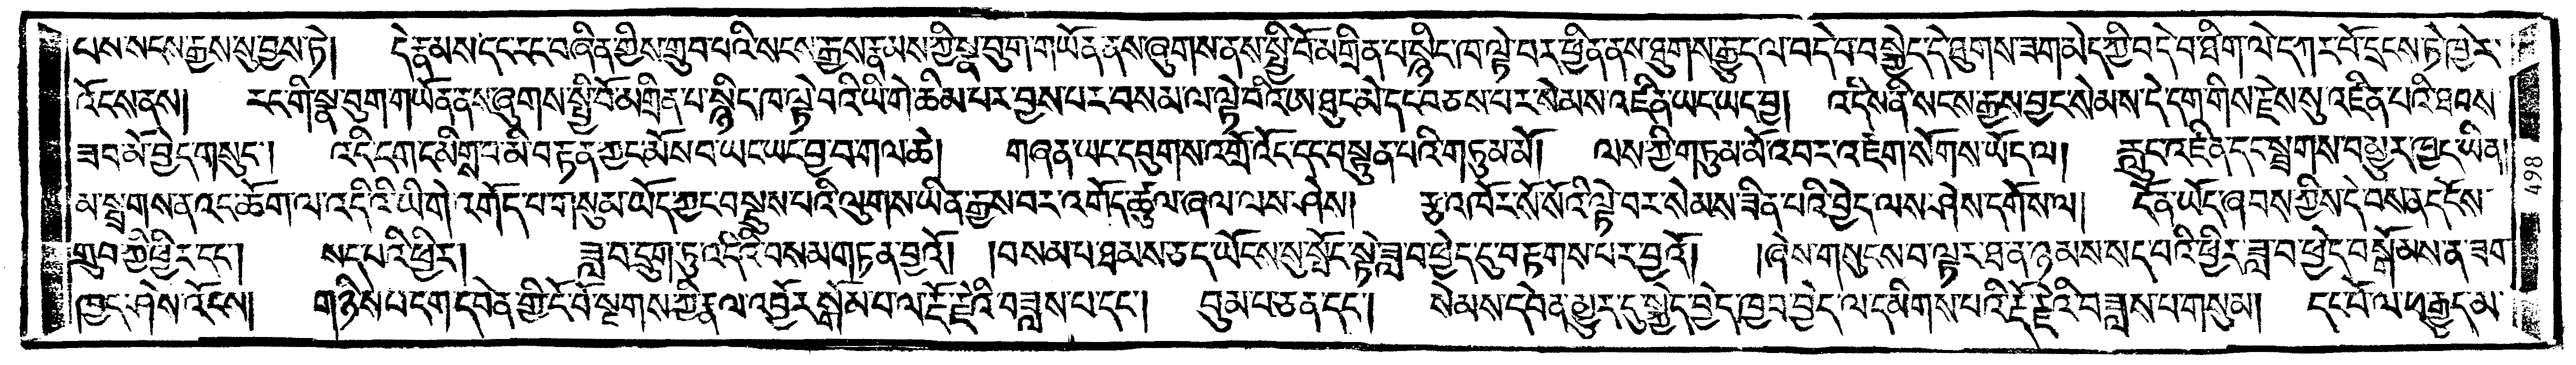པས་སངས་རྒྱས་སུ་བྱས་ཏེ། དེ་རྣམས་དང་རང་བཞིན་གྱིས་གྲུབ་པའི་སངས་རྒྱས་རྣམས་ཀྱི་སྣ་བུག་གཡོན་ནས་ཞུགས་ནས་སྤྱི་བོ་མགྲིན་པ་སྙིང་ཁ་ལྟེ་བར་ཕྱིན་ནས་ཐུགས་རྒྱུད་ལ་བདེ་བ་བསྐྱེད་དེ་ཐུགས་ཟག་མེད་ཀྱི་བདེ་བ་ཐིག་ལེ་དཀར་པོ་དྲངས་ཏེ་ཁྱེར་
འོངས་ནས། རང་གི་སྣ་བུག་གཡོན་ནས་ཞུགས་སྤྱི་བོ་མགྲིན་པ་སྙིང་ཁ་ལྟེ་བའི་ཡི་གེ་ཆིམ་པར་བྱས་པར་བསམ་ལ་ལྟེ་བའི་ཨ་ཐུང་མེ་དང་བཅས་པར་སེམས་འཛིན་ཡང་ཡང་བྱ། འདིས་ནི་སངས་རྒྱས་བྱང་སེམས་དེ་དག་གིས་རྗེས་སུ་འཛིན་པའི་ཐབས་
ཟབ་མོ་བྱེད་གསུང་། འདི་དག་དམིགས་པ་མི་བརྟན་ཀྱང་མོས་བ་ཡང་ཡང་བྱ་བ་གལ་ཆེ། གཞན་ཡང་དབུགས་འགྲོ་འོང་དང་བསྟུན་པའི་གཏུམ་མོ། ལས་ཀྱི་གཏུམ་མོ་འབར་འཇིགས་སོགས་ཡོད་ལ། རླུང་འཛིན་དང་སྦྲགས་བ་མྱུར་ཁྱད་ཡིན།
མ་སྦྲགས་ནའང་ཆོག་ལ་འདིའི་ཡི་གེ་འགོད་པ་གསུམ་ཡོད་ཀྱང་བསྡུས་པའི་ལུགས་ཡིན་རྒྱས་པར་འགོད་ཚུལ་ཞལ་ལས་ཤེས། རྩ་འཁོར་སོ་སོའི་ལྟེ་བར་སེམས་ཟིན་པའི་བྱེད་ལས་ཤེས་དགོས་ལ། དོན་ཡོད་ཞབས་ཀྱིས་དེ་བས་ན་དངོས་
གྲུབ་ཀྱི་ཕྱིར་དང་། སད་པའི་ཕྱིར། ཟླ་བ་དྲུག་ཏུ་འདིའི་བསམ་གཏན་བྱའོ། །བསམ་པ་ཐམས་ཅད་ཡོངས་སུ་སྤོང་སྟེ་ཟླ་བ་ཕྱེད་དུ་བརྟགས་པར་བྱའོ། །ཞེས་གསུངས་བ་ལྟར་ཐ་ན་ཉམས་སད་པའི་ཕྱིར་ཟླ་བ་ཕྱེད་བསྒོམས་ན་ཟབ་
ཁྱད་ཤེས་འོངས། གཉིས་པ་དག་དབེན་གྱི་ངོ་བོ་སྔགས་ཀྱི་རྣལ་འབྱོར་སྒོམ་པ་ལ་རྡོ་རྗེའི་བཟླས་པ་དང་། བུམ་པ་ཅན་དང་། སེམས་དབེན་མྱུར་དུ་སྐྱེད་བྱེད་ཁྱབ་བྱེད་ལ་དམིགས་པའི་རྡོ་རྗེའི་བཟླས་པ་གསུམ། དང་པོ་ལ་ཕ་རྒྱུད་མ་